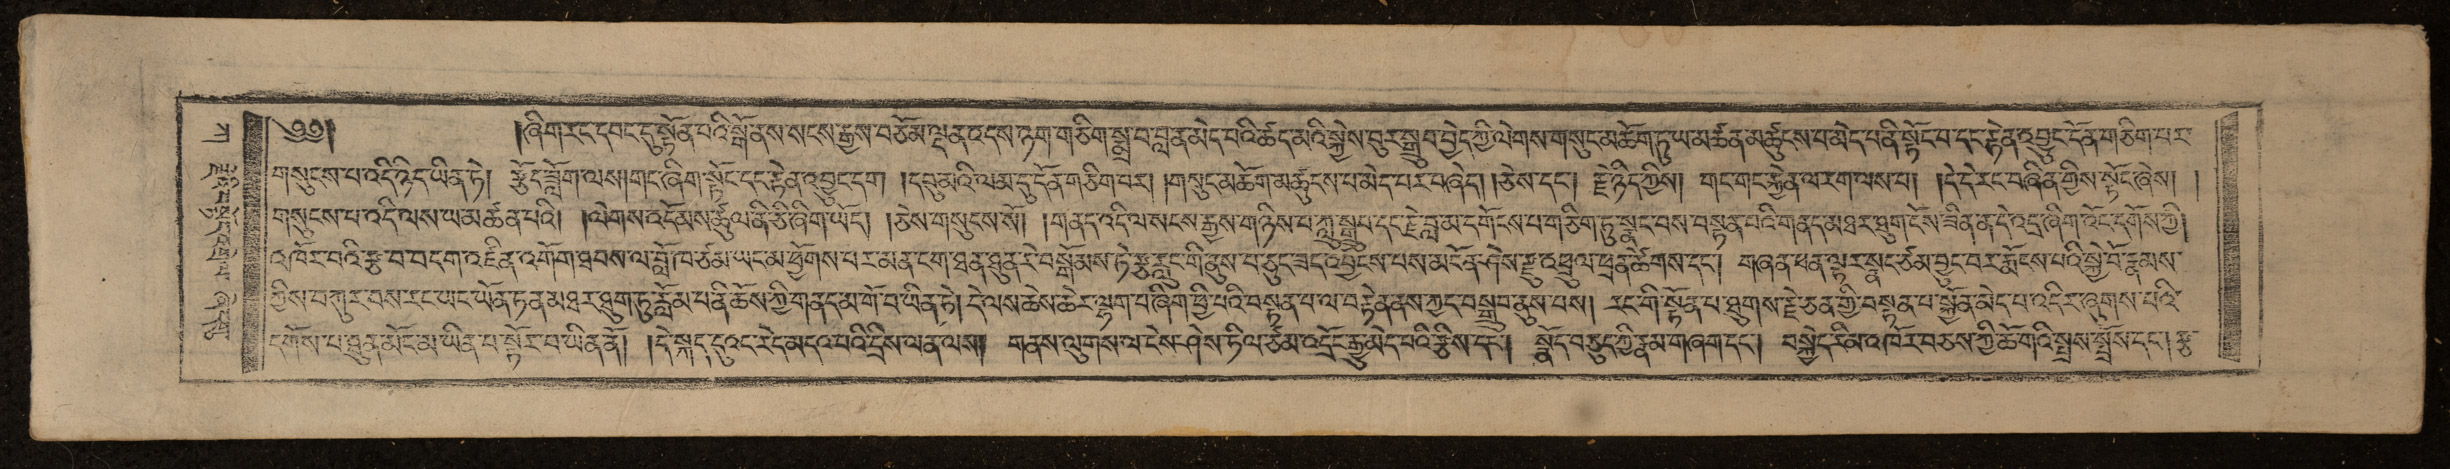༄༅། །ཞིག་རང་དབང་དུ་སྟོན་བའི་སྒོ་ནས་སངས་རྒྱས་བཅོམ་ལྡན་འདས་ཉག་གཅིག་སྨྲ་བ་བླ་ན་མེད་བའི་ཚད་མའི་སྐྱེས་བུར་སྒྲུབ་བྱེད་ཀྱི་ལེགས་གསུང་མཆོག་ཏུ་ཕ་མཚན་མཚུངས་བ་མེད་བ་ནི་སྟོང་བ་དང་རྟེན་འབྱུང་དོན་གཅིག་ཁར་
གསུངས་བ་འདི་ཉིད་ཡིན་སྟེ། རྩོད་ཟློག་ལས། གང་ཞིག་སྟོང་དང་རྟེན་འབྱུང་ངག །དབུ་མའི་ལམ་དུ་དོན་གཅིག་པར། །གསུང་མཆོག་མཚུངས་པ་མེད་པར་བཞེད། །ཅེས་དང་། རྗེ་ཉིད་ཀྱིས། གང་གང་རྐྱེན་ལ་རག་ལས་པ། །དེ་དེ་རང་བཞིན་གྱིས་སྟོང་ཞེས།
གསུངས་པ་འདི་ལས་ཡ་མཚན་པའི། །ལེགས་འདོམས་ཚུལ་ནི་ཅི་ཞིག་ཡོད། །ཅེས་གསུངས་སོ། །གནད་འདི་ལ་སངས་རྒྱས་གཉིས་པ་ཀླུ་སྒྲུབ་དང་རྗེ་བླ་མ་དགོངས་པ་གཅིག་ཏུ་སྣང་བས་བསྟན་པའི་གནད་མཐར་ཐུག་ངོས་ཟིན་ན་དེ་འདྲ་ཞིག་འོད་དགོས་ཀྱི།
འཁོར་བའི་རྩ་བ་བདག་འཛིན་འགོག་ཐབས་ལ་བློ་ཁ་ཙམ་ཡང་མ་ཕྱོགས་པར་མན་ངག་ཐན་ཐུན་རེ་བསྒོམས་ཏེ་རྩ་རླུང་གི་ནུས་བ་ཅུང་ཟད་འབྱོངས་བས་མངོན་ཤེས་རྫུ་འཕྲུལ་ཕྲན་ཚོགས་དང་། གཞན་ཕན་ལྟར་སྣང་ཙམ་བྱུང་བར་རྨོངས་པའི་སྐྱེ་བོ་རྣམས་
ཀྱིས་བཀུར་བས་རབ་ཡང་ཡོན་ཏན་མཐར་ཐུག་ཏུ་རློམ་པ་ནི་ཆོས་ཀྱི་གནད་མ་གོ་བ་ཡིན་ཏེ། དེ་ལས་ཆེས་ཆེར་ལྷག་བ་ཞིག་ཕྱི་བའི་བསྟན་པ་ལ་བརྟེན་ནས་ཀྱང་བསྒྲུབ་ནུས་པས། རང་གི་སྟོན་པ་ཐུགས་རྗེ་ཅན་གྱི་བསྟན་པ་སྐྱོན་མེད་པ་འདིར་ཞུགས་བའི་
དགོས་བ་ཐུན་མོང་མ་ཡིན་པ་སྟོར་བ་ཡིན་ནོ། །དེ་སྐད་དུའང་རེད་མདའ་བའི་དྲིས་ལན་ལས། གནས་ལུགས་ལ་ངེས་ཤེས་ཏིལ་ཙམ་འདྲོད་རྒྱུ་མེད་པའི་རྩིས་དང་། སྣོད་བཅུད་ཀྱི་རྣམ་གཞག་དང་། བསྐྱེད་རིམ་འཁོར་བཅས་ཀྱི་ཆོ་གའི་སྦྲས་སྤྲོས་དང་། རྩ་